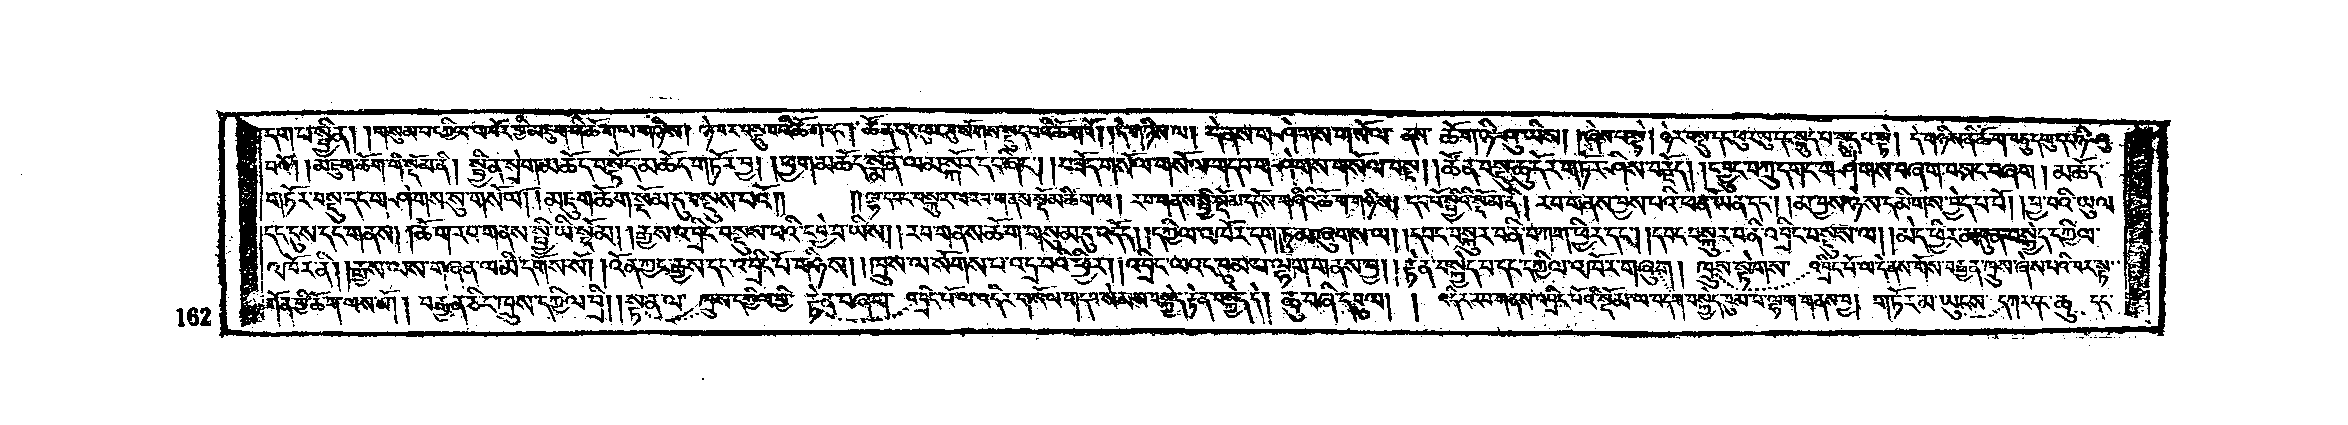དག་པ་སྦྱིན། །གསུམ་པ་དཀྱིལ་འཁོར་གྱི་མཇུག་གི་ཆོ་ག་ལ་གཉིས། ཉེ་བར་བསྡུ་བའི་ཆོ་ག་དང་། ཚོན་དང་ཕུར་བུ་སོགས་སྡུད་པའི་ཆོ་གའོ། །དེ་གཉིས་ལ། དེ་ནས་གཤེགས་གསོལ་ནས་ཆོ་ག་ཉི་ཤུ་ཡིས། །ཞེས་པ་སྟེ། ཉེར་བསྡུ་དང་ཕུར་བུ་དང་སྐུད་པ་སྡུད་པ་སྟེ། དེ་གཉིས་ནི་ཆོ་ག་བཅུ་དགུ་དང་ཉི་ཤུ་
པའོ། །མཇུག་ཆོག་གི་སྡོམ་ནི། སྦྱིན་སྲེག་མཆོད་བསྟོད་མཆོད་གཏོར་བྱ། །ཕྱག་མཆོད་སྨིན་ལམ་སྐོར་དང་ཞིང་། །བཟོད་གསོལ་གསོལ་གདབ་གཤེགས་གསོལ་བསྡུ། །ཚོན་བསྡུ་ཆུ་དོར་གཏོར་ཤིས་བརྗོད། །དབྱུང་བཀྲུ་དགང་གཤེགས་བཞག་གསང་བཞག །མཆོད་
གཏོར་བསྡུ་དང་གཤེགས་སུ་གསོལ། །མཇུག་ཆོག་སྡོམ་དུ་བསྡུས་པའོ།། །།ལྷ་དབང་བསྐུར་ལ་རབ་གནས་སྡོམ་ཚིག་ལ། རབ་གནས་སྤྱི་སྡོམ་དངོས་གཞིའི་ཆོ་ག་གཉིས། དང་པོ་སྤྱིའི་སྡོམ་ནི། རབ་གནས་བྱས་པའི་ཕན་ཡོན་དང་། །མ་བྱས་ཉེས་དམིགས་བྱེད་པ་པོ། །བྱ་བའི་ཡུལ་
དང་དུས་དང་གནས། །ཆོ་ག་རབ་གནས་སྤྱི་ཡི་སྡོམ། །རྒྱས་འབྲིང་བསྡུས་པའི་དབྱེ་བ་ཡིས། །རབ་གནས་ཆོ་ག་གསུམ་དུ་འདོད། །དཀྱིལ་འཁོར་དག་ཏུ་མ་ཞུགས་ལ། །དབང་བསྐུར་བ་ནི་བཀག་ཕྱིར་དང་། །དབང་བསྐུར་བ་ནི་འབྲིང་བསྡུས་ལ། །མེད་ཕྱིར་མདུན་བསྐྱེད་དཀྱིལ་
འཁོར་ནི། །རྒྱས་ལས་གཞན་ལ་མི་དགོས་སོ། །འོན་ཀྱང་རྒྱས་དང་འབྲིང་པོ་གཉིས། །ཁྲུས་ལ་སོགས་པ་འདྲ་བའི་ཕྱིར། །འབྲིང་ལའང་བུམ་པ་ལྷག་གནས་བྱ། །རྟེན་བསྐྱེད་པ་དང་དཀྱིལ་འཁོར་གཞུག །ཁྲུས་སྟེགས་འབྲིང་པོ་ལ་དེ་ནས་གོས་བརྒྱན་ཁྲུས་ཞེས་པའི་བར་སྟ་
གོན་གྱི་ཆོ་ག་ལས་སོ། །བརྒྱན་ཅིང་ཁྲུས་དཀྱིལ་བྲི། །སྟན་ལ་ཁྲུས་དཀྱིལ་གྱི་རྟེན་བཞག་འབྲིང་པོ་ལ་འདིར་གསོལ་གདབ་སེམས་བསྐྱེད་རྟེན་བསྐྱེད་དེ། ཆུ་བཞི་དབུལ། །འདིར་རབ་གནས་འབྲིང་པོའི་སྡོམ་ལ་བདག་བསྐྱེད་བུམ་པ་ལྷག་གནས་བྱ།  གཏོར་མ་ཡུངས་དཀར་དང་ཆུ་དང་